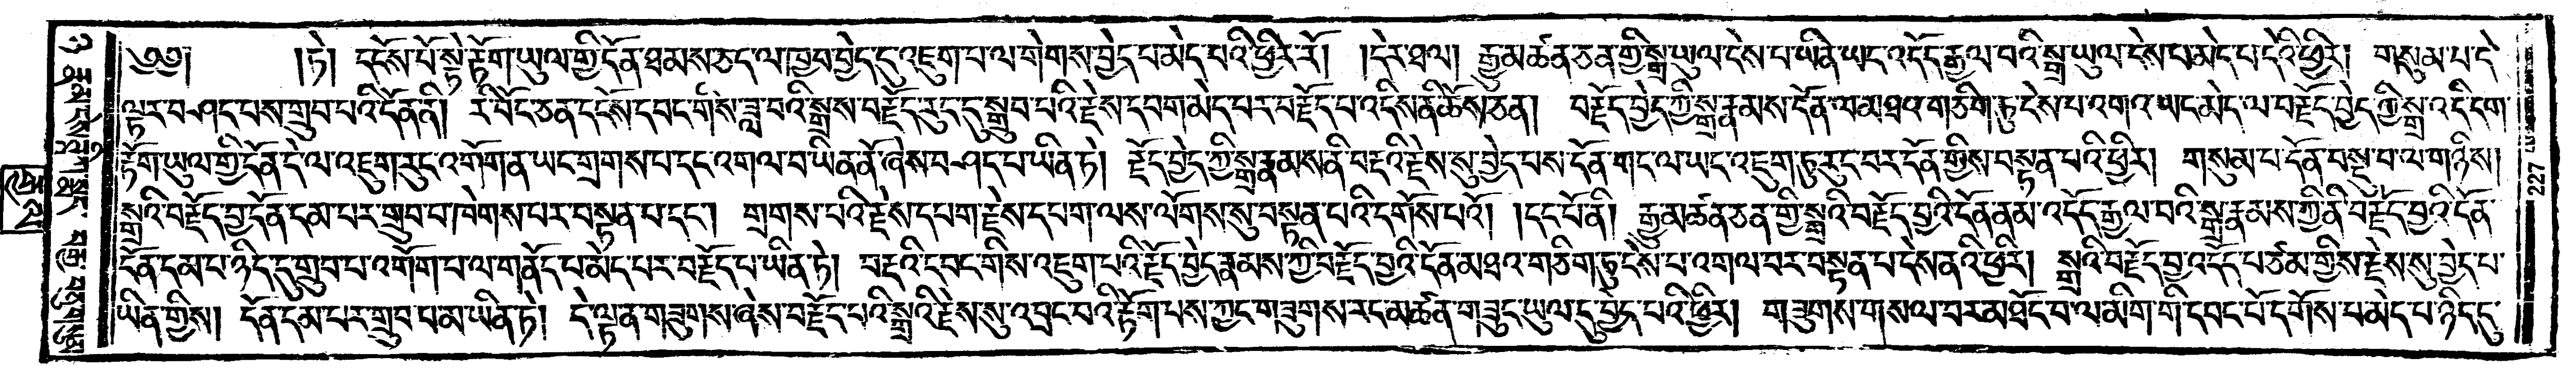༄༅། །ཏེ། དངོས་པོ་སྟེ་རྟོག་ཡུལ་གྱི་དོན་ཐམས་ཅད་ལ་ཁྱབ་བྱེད་དུ་འཇུག་པ་ལ་གེགས་བྱེད་པ་མེད་པའི་ཕྱིར་རོ། །དེར་ཐལ། རྒྱུ་མཚན་ཅན་གྱི་སྒྲ་ཡུལ་ངེས་པ་ཡིན་ཡང་འདོད་རྒྱལ་བའི་སྒྲ་ཡུལ་ངེས་པ་མེད་པ་དེའི་ཕྱིར། གསུམ་པ་དེ་
ལྟར་བཤད་པས་གྲུབ་པའི་དོན་ནི། རི་བོང་ཅན་དངོས་དབང་གིས་ཟླ་བའི་སྒྲས་བརྗོད་རུང་དུ་སྒྲུབ་པའི་རྗེས་དཔག་མེད་པར་བརྗོད་པ་འདིས་ནི་ཆོས་ཅན། བརྗོད་བྱེད་ཀྱི་སྒྲ་རྣམས་དོན་ལ་མཐའ་གཅིག་ཏུ་ངེས་པ་འགའ་ཡང་མེད་ལ་བརྗོད་བྱེད་ཀྱི་སྒྲ་འདི་དག་
རྟོག་ཡུལ་གྱི་དོན་དེ་ལ་འཇུག་རུང་འགོག་ན་ཡང་གྲགས་པ་དང་འགལ་བ་ཡིན་ནོ་ཞེས་བཤད་པ་ཡིན་ཏེ། རྗོད་བྱེད་ཀྱི་སྒྲ་རྣམས་ནི་བརྡའི་རྗེས་སུ་བྱེད་པས་དོན་གང་ལ་ཡང་འཇུག་ཏུ་རུང་བར་དོན་གྱིས་བསྟན་པའི་ཕྱིར། གསུམ་པ་དོན་བསྡུ་བ་ལ་གཉིས།
སྒྲའི་བརྗོད་བྱ་དོན་དམ་པར་གྲུབ་པ་ཁེགས་པར་བསྟན་པ་དང་། གྲགས་པའི་རྗེས་དཔག་རྗེས་དཔག་ལས་ལོགས་སུ་བསྟན་པའི་དགོས་པའོ། །དང་པོ་ནི། རྒྱུ་མཚན་ཅན་གྱི་སྒྲའི་བརྗོད་བྱའི་དོན་ནམ་འདོད་རྒྱལ་བའི་སྒྲ་རྣམས་ཀྱི་ནི་བརྗོད་བྱའི་དོན་
དོན་དམ་པ་ཉིད་དུ་གྲུབ་པ་འགོག་པ་ལ་གནོད་པ་མེད་པར་བརྗོད་པ་ཡིན་ཏེ། བརྡའི་དབང་གིས་འཇུག་པའི་རྗོད་བྱེད་རྣམས་ཀྱི་བརྗོད་བྱའི་དོན་མཐའ་གཅིག་ཏུ་ངེས་པ་འགལ་བར་བསྟན་པ་དེས་ནའི་ཕྱིར། སྒྲའི་བརྗོད་བྱ་འདོད་པ་ཙམ་གྱིས་རྗེས་སུ་བྱེད་པ་
ཡིན་གྱིས། དོན་དམ་པར་གྲུབ་པ་མ་ཡིན་ཏེ། དེ་ལྟ་ན་གཟུགས་ཞེས་བརྗོད་པའི་སྒྲའི་རྗེས་སུ་འབྲང་བའི་རྟོག་པས་ཀྱང་གཟུགས་རང་མཚན་གཟུང་ཡུལ་དུ་བྱེད་པའི་ཕྱིར། གཟུགས་གསལ་བར་མཐོང་བ་ལ་མིག་གི་དབང་པོ་དགོས་པ་མེད་པ་ཉིད་དུ་